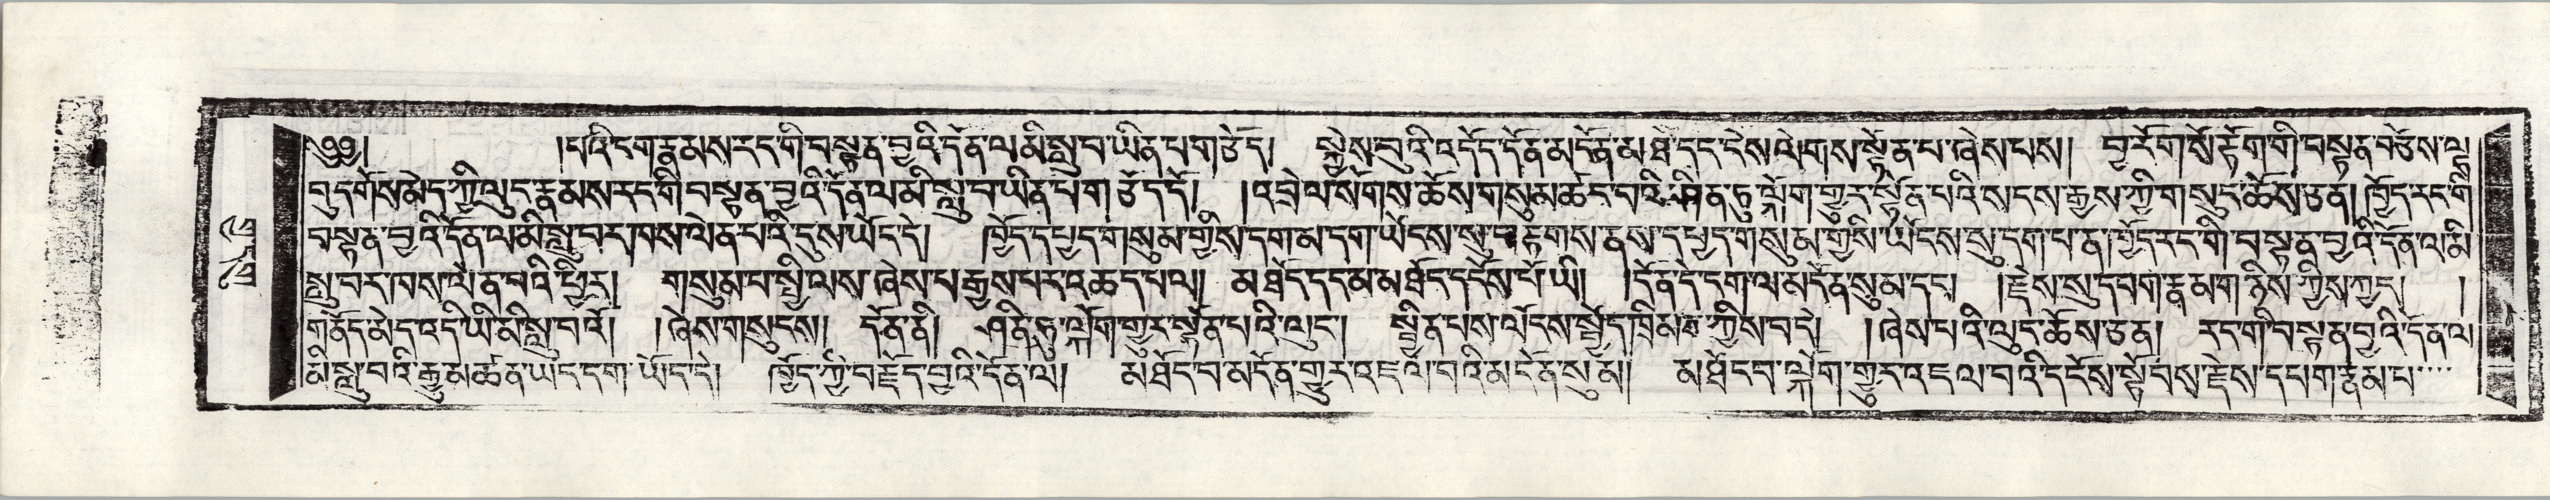༄༅། །པའི་ངག་རྣམས་རང་གི་བསྟན་བྱའི་དོན་ལ་མི་སླུ་བ་ཡིན་པ་གཅོད། སྐྱེས་བུའི་འདོད་དོན་མངོན་མཐོ་དང་ངེས་ལེགས་སྟོན་པ་ཞེས་པས། བྱ་རོག་སོ་རྟོག་གི་བསྟན་བཅོས་ལྟ་
བུ་དགོས་མེད་ཀྱི་ལུང་རྣམས་རང་གི་བསྟན་བྱའི་དོན་ལ་མི་སླུ་བ་ཡིན་པ་གཅོད་དོ། །འབྲེལ་སོགས་ཆོས་གསུམ་ཚང་བའི་ཤིན་ཏུ་ལྐོག་གྱུར་སྟོན་པའི་སངས་རྒྱས་ཀྱི་གསུང་ཆོས་ཅན། ཁྱོད་རང་གི་
བསྟན་བྱའི་དོན་ལ་མི་སླུ་བར་ཁས་ལེན་པའི་དུས་ཡོད་དེ། ཁྱོད་དཔྱད་གསུམ་གྱིས་དག་མ་དག་ཡོངས་སུ་བརྟགས་ནས་དཔྱད་གསུམ་གྱིས་ཡོངས་སུ་དག་པ་ན་ཁྱོད་རང་གི་བསྟན་བྱའི་དོན་ལ་མི་
སླུ་བར་ཁས་ལེན་པའི་ཕྱིར། གསུམ་པ་སྤྱི་ལས་ཞེས་པ་རྒྱས་པར་འཆད་པ་ལ། མཐོང་དང་མ་མཐོང་དངོས་པོ་ཡི། །དོན་དེ་དག་ལ་མངོན་སུམ་དང་། །རྗེས་སུ་དཔག་རྣམ་གཉིས་ཀྱིས་ཀྱང་། །
གནོད་མེད་འདི་ཡི་མི་སླུ་བའོ། །ཞེས་གསུངས། དོན་ནི། ཤིན་ཏུ་ལྐོག་གྱུར་སྟོན་པའི་ལུང་། སྦྱིན་པས་ལོངས་སྤྱོད་ཁྲིམས་ཀྱིས་བདེ། །ཞེས་པའི་ལུང་ཆོས་ཅན། རང་གི་བསྟན་བྱའི་དོན་ལ་
མི་སླུ་བའི་རྒྱུ་མཚན་ཡང་དག་ཡོད་དེ། ཁྱོད་ཀྱི་བརྗོད་བྱའི་དོན་ལ། མཐོང་བ་མངོན་གྱུར་འཇལ་བའི་མངོན་སུམ། མཐོང་བ་ལྐོག་གྱུར་འཇལ་བའི་དངོས་སྟོབས་རྗེས་དཔག་རྣམ་པ་